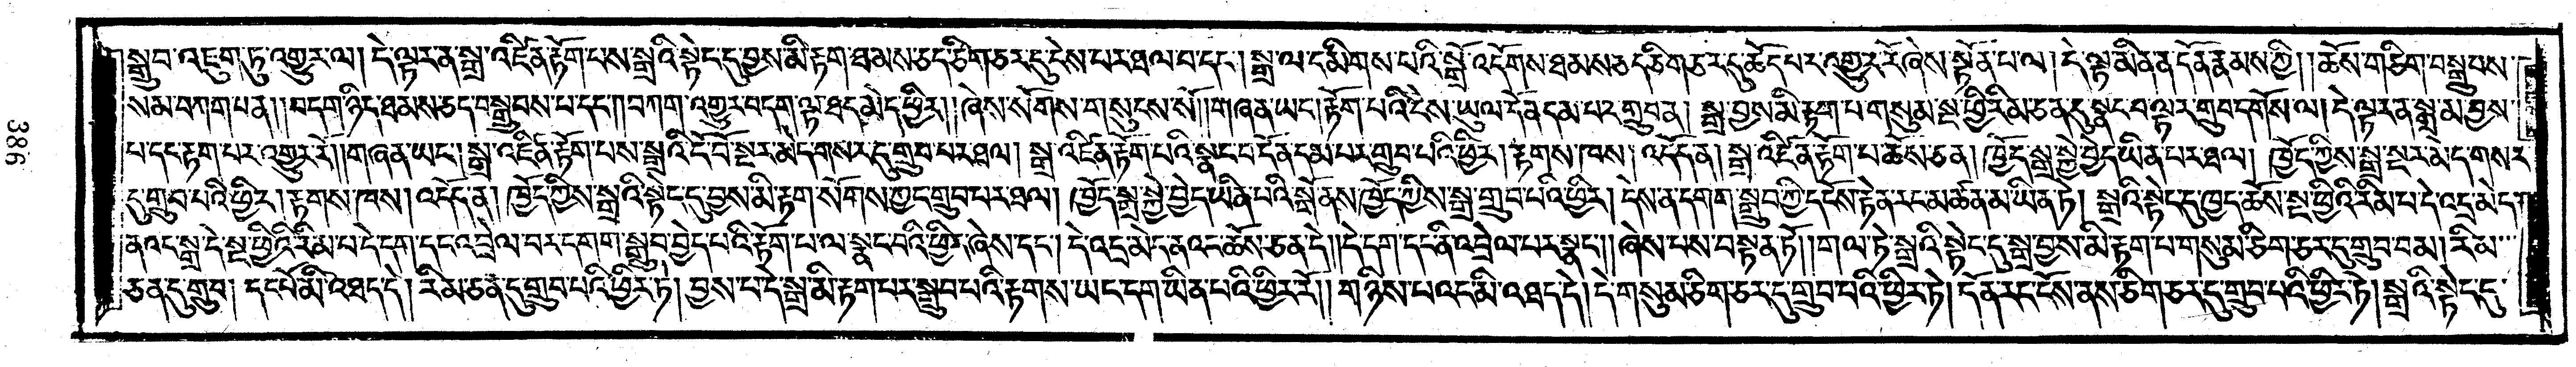སྒྲུབ་འཇུག་ཏུ་འགྱུར་ལ། དེ་ལྟར་ན་སྒྲ་འཛིན་རྟོག་པས་སྒྲའི་སྟེང་དུ་བྱས་མི་རྟག་ཐམས་ཅད་ཅིག་ཅར་དུ་ངེས་པར་ཐལ་བ་དང་། སྒྲ་ལ་དམིགས་པའི་སྒྲོ་འདོགས་ཐམས་ཅད་ཅིག་ཅར་དུ་ཆོད་པར་འགྱུར་རོ་ཞེས་སྟོན་པ་ལ། དེ་ལྟ་མིན་ན་དོན་རྣམས་ཀྱི། །ཆོས་གཅིག་བསྒྲུབས་
སམ་བཀག་པ་ན། །བདག་ཉིད་ཐམས་ཅད་བསྒྲུབས་པ་དང་། །བཀག་འགྱུར་བདག་ལྟ་ཐད་མེད་ཕྱིར། །ཞེས་སོགས་གསུངས་སོ། །གཞན་ཡང་། རྟོག་པའི་ངེས་ཡུལ་དོན་དམ་པར་གྲུབ་ན། སྒྲ་བྱས་མི་རྟག་པ་གསུམ་སྔ་ཕྱི་རིམ་ཅན་དུ་སྣང་བ་ལྟར་གྲུབ་དགོས་ལ། དེ་ལྟར་ན་སྒྲ་མ་བྱས་
པ་དང་རྟག་པར་འགྱུར་རོ། །གཞན་ཡང་། སྒྲ་འཛིན་རྟག་པས་སྒྲའི་ངོ་བོ་སྔར་མེད་གསར་དུ་གྲུབ་པར་ཐལ། སྒྲ་འཛིན་རྟོག་པའི་སྣང་བ་དོན་དམ་པར་གྲུབ་པའི་ཕྱིར། རྟགས་ཁས། འདོད་ན། སྒྲ་འཛིན་རྟོག་པ་ཆོས་ཅན། ཁྱོད་སྒྲ་སྐྱེ་བྱེད་ཡིན་པར་ཐལ། ཁྱོད་ཀྱིས་སྒྲ་སྔར་མེད་གསར་
དུ་གྲུབ་པའི་ཕྱིར། རྟགས་ཁས། འདོད་ན། ཁྱོད་ཀྱིས་སྒྲའི་སྟེང་དུ་བྱས་མི་རྟག་སོགས་ཀྱང་གྲུབ་བར་ཐལ། ཁྱོད་སྒྲ་སྐྱེ་བྱེད་ཡིན་པའི་སྒོ་ནས་ཁྱོད་ཀྱིས་སྒྲ་གྲུབ་པའི་ཕྱིར། དེས་ན་དགག་སྒྲུབ་ཀྱི་དངོས་རྟན་རང་མཚན་མ་ཡིན་ཏེ། སྒྲའི་སྟེང་དུ་ཁྱད་ཆོས་སྔ་ཕྱིའི་རིམ་པ་དེ་འདྲ་མེད་
ནའང་སྒྲ་དེ་སྔ་ཕྱིའི་རིམ་པ་དེ་དག་དང་འབྲེལ་བར་དགག་སྒྲུབ་བྱེད་པའི་རྟོག་པ་ལ་སྣང་བའི་ཕྱིར་ཞེས་དང་། དེ་འདྲ་མེད་ནའང་ཆོས་ཅན་དེ། །དེ་དག་དང་ནི་འབྲེལ་པར་སྣང་། །ཞེས་པས་བསྟན་ཏོ། །གལ་ཏེ་སྒྲའི་སྟེང་དུ་སྒྲ་བྱས་མི་རྟག་པ་གསུམ་ཅིག་ཅར་དུ་གྲུབ་བ་མ། རིམ་
ཅན་དུ་གྲུབ། དང་པོ་མི་འཐད་དེ། རིམ་ཅན་དུ་གྲུབ་པའི་ཕྱིར་ཏེ། བྱས་པ་དེ་སྒྲ་མི་རྟག་པར་སྒྲུབ་པའི་རྟགས་ཡང་དག་ཡིན་པའི་ཕྱིར་རོ། །གཉིས་པའང་མི་འཐད་དེ། དེ་གསུམ་ཅིག་ཅར་དུ་གྲུབ་པའི་ཕྱིར་ཏེ། དོན་རང་ངོས་ནས་ཅིག་ཅར་དུ་གྲུབ་པའི་ཕྱིར་ཏེ། སྒྲའི་སྟེང་དུ་